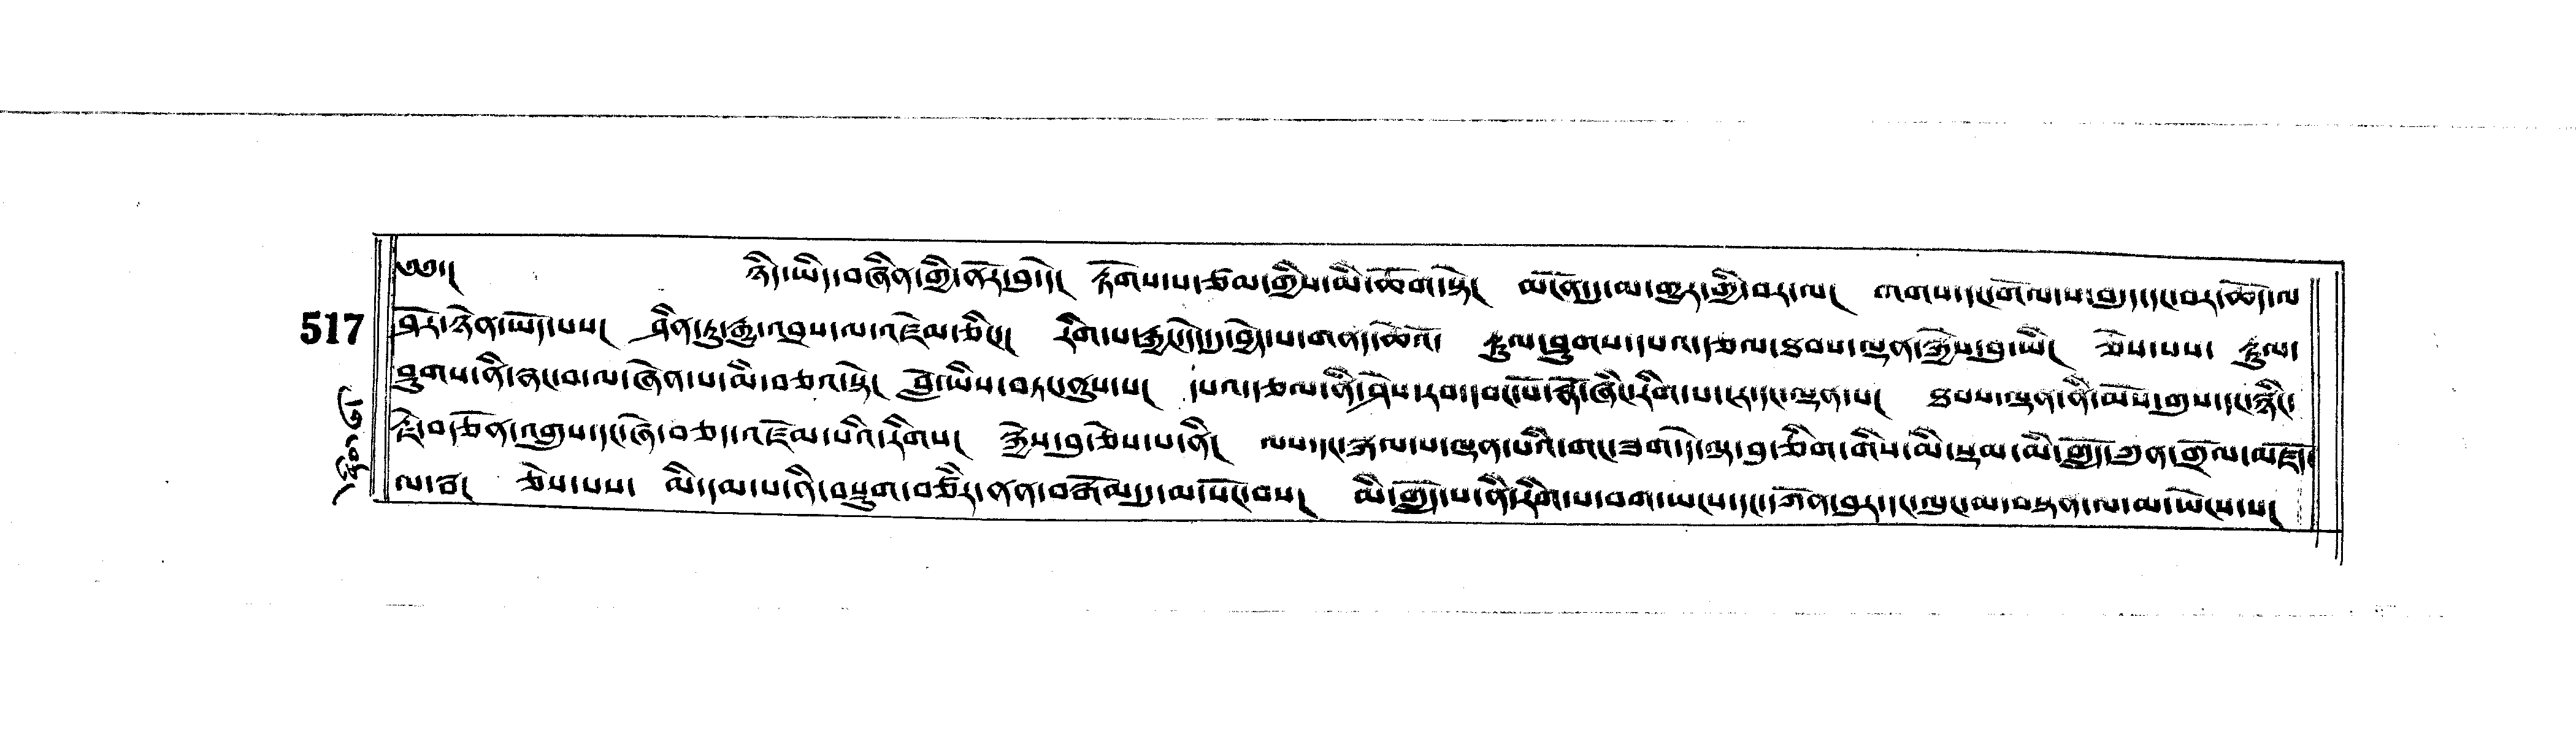ཉིད་ཡིད་བཞིན་ནོར་བུ་དེ། རྟོགས་པ་ཙམ་གྱིས་མི་ཆོག་སྟེ། མངོན་དུ་མ་གྱུར་གྱི་བར་ལ། གག་དང་གོལ་ས་བདུད་དང་བར་ཆོད་ལ་
ཤོར་ཉེན་ཡོད་པས། ཤིན་ཏུ་རྒྱུ་འབྲས་ལ་འཛེམས་ཤིང་། རིག་པ་རྐྱང་དེད་དུ་བྱེད་པ་གནད་ཆེའོ། རྟུལ་ཤུགས་དཔའ་རྩལ་ཐབས་ལྡན་སྐྱེས་བུ་ཡི། ཅེས་པས། རྟུལ་
ཞུགས་ནི་སྣང་བ་ལ་ཞེན་པ་མི་བཅའ་སྟེ། བློ་ཡིས་བཏང་ནུས་པ། དཔའ་རྩལ་ནི་ཤེས་རབ་དབང་པོ་རྣོ་ཞིང་རིག་པ་ངར་དང་ལྡན་པ། ཐབས་ལྡན་ནི་མོས་གུས་དང་སྙིང་
རྗེ་བརྩོན་འགྲུས་དང་ཞེ་བཅད་འཛོམས་པའི་རིགས། སྐྱེས་བུ་ཅེས་པ་ནི། ལས་དང་སྐལ་པ་ལྡན་པའི་གང་ཟག་དེ་ལྟ་བུ་ཅིག་གིས། མི་བསྡམ་མི་གློད་ཀུན་གྲོལ་མཛོད་
ལ་སྦ། ཅེས་པས། མི་དམ་པ་ནི་སྡུག་བཙེར་ནན་སྒོམ་དུ་མ་སོང་བ། མི་གློད་པ་ནི་རིག་པ་བག་ཡངས་དང་ཀོང་བུར་དང་ལུང་མ་བསྟན་ལ་མ་ཡེངས་པ།